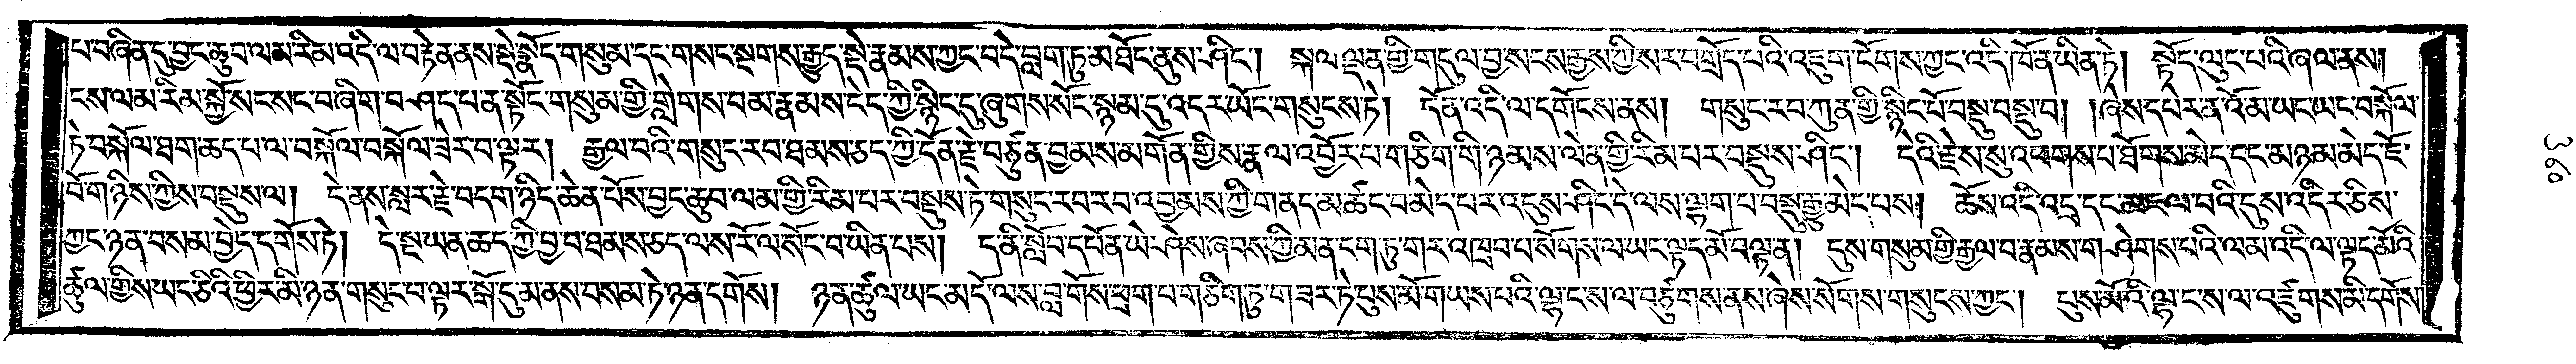པ་བཞིན་དུ་བྱང་ཆུབ་ལམ་རིམ་འདི་ལ་བརྟེན་ནས་སྡེ་སྣོད་གསུམ་དང་གསང་སྔགས་རྒྱུད་སྡེ་རྣམས་ཀྱང་བདེ་བླག་ཏུ་མཐོང་ནུས་ཤིང་། སྐལ་ལྡན་གྱི་གདུལ་བྱ་སངས་རྒྱས་ཀྱི་སར་བགྲོད་པའི་འཇུག་ངོགས་ཀྱང་འདི་ཁོ་ན་ཡིན་ཏེ། སྟོད་ལུང་པའི་ཞལ་ནས།
ངས་ལམ་རིམ་སྐྱོ་སང་སང་བ་ཞིག་བཤད་པ་ན་སྟོང་གསུམ་གྱི་གླེགས་བམ་རྣམས་ངེད་ཀྱི་སྙིང་དུ་ཞུགས་སོང་སྙམ་དུ་འདར་ཡོང་གསུངས་ཏེ། དོན་འདི་ལ་དགོངས་ནས། གསུང་རབ་ཀུན་གྱི་སྙིང་པོ་བསྡུ་བསྡུ་བ། །ཞེས་དཔེར་ན་འོ་མ་ཡང་ཡང་བསྐོལ་
ཏེ་བསྐོལ་ཐག་ཆད་པ་ལ་བསྐོལ་བསྐོལ་ཟེར་བ་ལྟར། རྒྱལ་བའི་གསུང་རབ་ཐམས་ཅད་ཀྱི་དོན་རྗེ་བཙུན་བྱམས་མགོན་གྱིས་རྣལ་འབྱོར་པ་གཅིག་གི་ཉམས་ལེན་གྱི་རིམ་པར་བསྡུས་ཤིང་། དེའི་རྗེས་སུ་འཕགས་པ་ཐོགས་མེད་དང་མཉམ་མེད་ཇོ་
བོ་གཉིས་ཀྱིས་བསྡུས་ལ། དེ་ནས་སླར་རྗེ་བདག་ཉིད་ཆེན་པོས་བྱང་ཆུབ་ལམ་གྱི་རིམ་པར་བསྡུས་ཏེ་གསུང་རབ་རབ་འབྱམས་ཀྱི་གནད་མ་ཚང་བ་མེད་པར་འདུས་ཤིང་དེ་ལས་ལྷག་པ་བསྡུ་རྒྱུ་མེད་པས། ཆོས་འདི་འདྲ་དང་མཇལ་བའི་དུས་འདི་
ཀྱང་ཉན་བསམ་བྱེད་དགོས་ཏེ། དེ་སྤང་ན་ཚད་ཀྱི་བྱ་བ་ཐམས་ཅད་ལས་རོལ་སོང་བ་ཡིན་པས། ད་ནི་སློབ་དཔོན་ཡེ་ཤེས་ཞབས་ཀྱི་མན་ངག་ཏུ་གར་འཁྲབ་པ་སོགས་ལ་ཡང་ལྟད་མོ་བལྟ་ན། དུས་གསུམ་གྱི་རྒྱལ་བ་རྣམས་གཤེགས་པའི་ལམ་འདི་ལ་ལྟད་མོའི་
ཚུལ་གྱིས་ཡང་ཅིའི་ཕྱིར་མི་ཉན་གསུང་བ་ལྟར་སྒོ་དུ་མ་ནས་བསམ་ཏེ་ཉན་དགོས། ཉན་ཚུལ་ཡང་མདོ་ལས་བླ་གོས་ཕྲག་པ་གཅིག་ཏུ་གཟར་ཏེ་པུས་མོ་གཡས་པའི་ལྷང་ས་ལ་བཙུགས་ནས་ཞེས་སོགས་གསུངས་ཀྱང་། པུས་མོའི་ལྷ་ངས་ལ་འཛུགས་མི་དགོས་